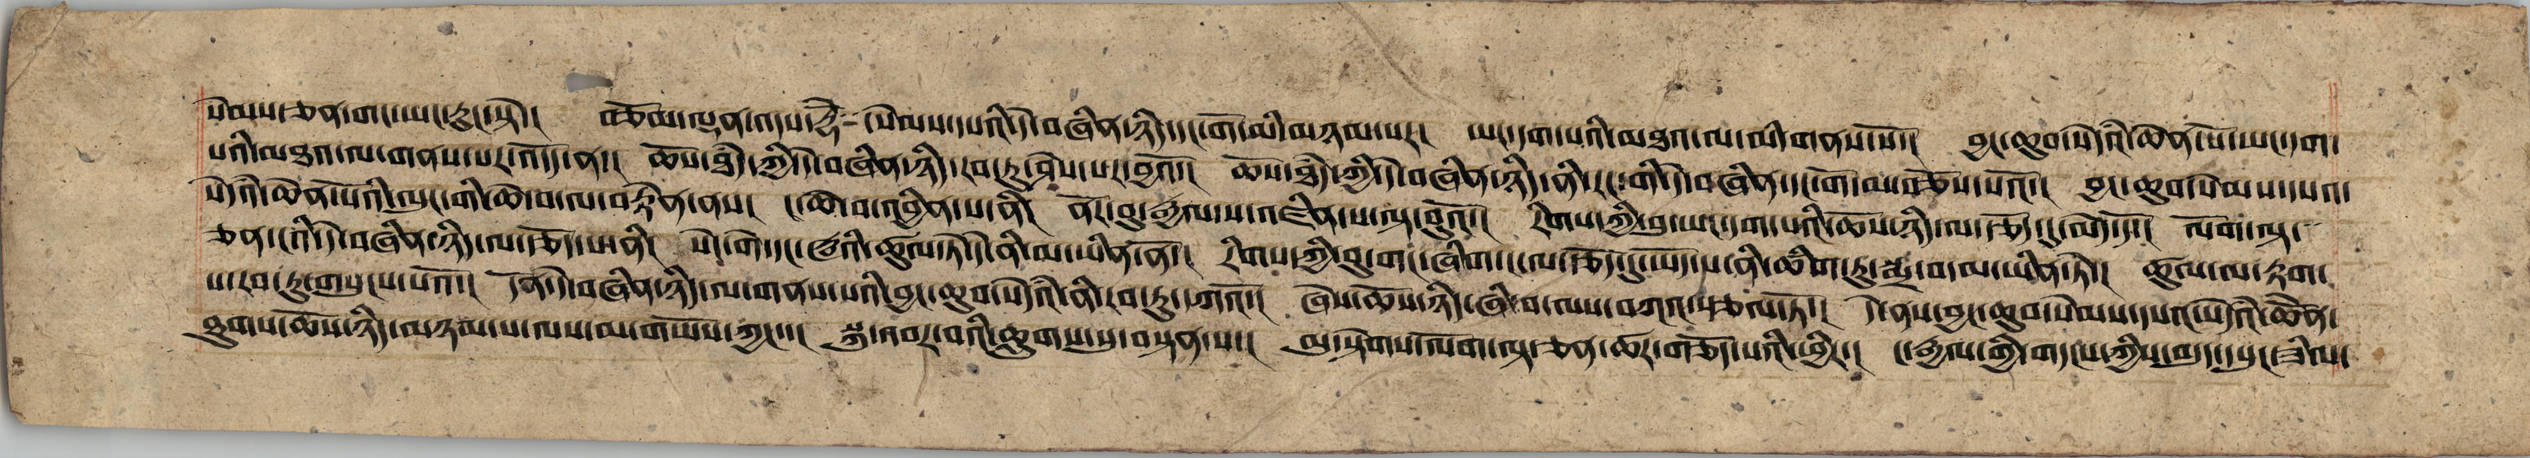སེམས་ཅན་གང་ཡང་རུང་སྟེ་། བཅོམ་ལྡན་འདས་རྡོེ་སེམས་དཔའི་དེ་བཞིན་ཉིད་དང་གོ་མི་མཉམ་པར། ཡང་དག་པའི་མཐའ་ལ་མི་གནས་སོ་། བྱང་ཆུབ་སེདཾའ་ཆེན་པོ་ཡང་དག་
པའི་མཐའ་ལ་གནས་པར་འོདད་ན་། ཆོས་ཐཾད་ཀྱི་དེ་བཞིན་ཉིད་རབ་ཏུ་ཤེས་པར་བྱའོ་། ཆོས་ཐཾད་ཀྱི་དེ་བཞིན་ཉིད་ནི་རང་གི་དེ་བཞིན་དང་གོ་བས་བཅོས་པའོ་། བྱང་ཆུབ་སེམས་དཔའ་
སེདཾའ་ཆེན་པོའི་ལུང་གི་ཆེ་བ་ལ་བརྟེན་ནས། ང་ཆེ་བ་འབྱིན་པ་ནི། ནོར་བུ་རྒྱལ་ས་འཛིན་པ་ལྟ་བུའོ་། རིགས་ཀྱི་བུ་ཡང་དག་པའི་ཆོས་ཉིད་ལ་རྩོད་དུ་མེད་དོ་། ལོག་ལྟ་
ཅན་ངའི་དེ་བཞིན་ཉིད་ལ་རྩོད་པ་ནི། སེང་གེ་དང་ཝའི་ཚུལ་ཏེ་དེ་ནི་མ་ཡིན་ནོ་། རིགས་ཀྱི་བུ་གང་ཞིག་ང་ལ་རྩོད་དུ་ཡོད་པ་ནི་ཚིག་ཏུ་སྨྲ་བ་མ་ཡིན་ཏེ་། ཚུལ་ལ་རྟག་
པ་རབ་ཏུ་གསུངས་པའོ་། དོན་དེ་བཞིན་ཉིད་ལ་གནས་པའི་བྱང་ཆུབ་སེདཾའ་ནི་རབ་ཏུ་དཀའོ་། ཞེས་ཆོས་ཉིད་ཞི་བ་ལས་བཀའ་སྩལ་ཏོ་། དེ་ནས་བྱང་ཆུབ་སེམས་དཔའ་སེདཾའ་ཆེནོ་
ཐུགས་ཆོས་ཉིད་མཉམ་པ་ལས་མ་གཡོས་ཀྱང་་། སྐུ་འབར་བའི་ཆླུགས་སུ་བསྟན་པ་། མུ་སྟེགས་ལོག་ལྟ་ཅན་ཚར་གཅོད་པའི་ཕྱིར་། ང་རྒྱལ་གྱི་གདངས་ཀྱིས་བདུད་དཔུང་ཟིལ་